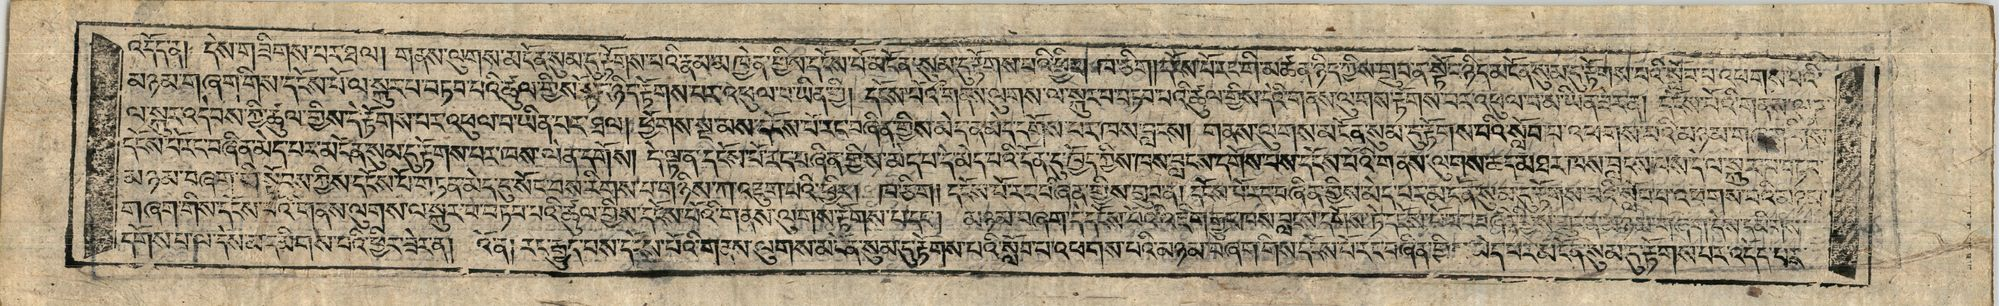འདོད་ན། དེས་གཟིགས་པར་ཐལ། གནས་ལུགས་མངོན་སུམ་དུ་རྟོགས་པའི་རྣམ་མཁྱེན་གྱིས་དངོས་པོ་མངོན་སུམ་དུ་རྟོགས་པའི་ཕྱིར། ཁ་ཅིག ། དངོས་པོ་རང་གི་མཚན་ཉིད་ཀྱིས་གྲུབ་ན་སྟོང་ཉིད་མངོན་སུམ་དུ་རྟོགས་པའི་སློབ་པ་འཕགས་པའི་
མཉམ་གཞག་གིས་དངོས་པོ་ལ་སྐུར་བ་བཏབ་པའི་ཚུལ་གྱིས་སྟོང་ཉིད་རྟོགས་པར་འཕུལ་བ་ཡིན་གྱི། དངོས་པོའི་གནས་ལུགས་ལ་སྐུར་བ་བཏབ་པའི་ཚུལ་གྱིས་དེའི་གནས་ལུགས་རྟོགས་པར་འཕུལ་བ་མ་ཡིན་ཟེར་ན། དངོས་པོའི་གནས་ལུགས་
ལ་སྐུར་འདེབས་ཀྱི་ཚུལ་གྱིས་དེ་རྟོགས་པར་འཕུལ་བ་ཡིན་པར་ཐལ། ཕྱོགས་སྔ་མས་དངོས་པོ་རང་བཞིན་གྱིས་མེད་ན་མེད་དགོས་པར་ཁས་བླངས། གནས་ལུགས་མངོན་སུམ་དུ་རྟོགས་པའི་སློབ་པ་འཕགས་པའི་མཉམ་གཞག་གིས་
དངོས་པོ་རང་བཞིན་མེད་པར་མངོན་སུམ་དུ་རྟོགས་པར་ཁས་ལེན་དགོས། དེ་ལྟ་ན་དངོས་པོ་རང་བཞིན་གྱིས་མེད་པ་དེ་མེད་པའི་དོན་དུ་ཁྱོད་ཀྱིས་ཁས་བླངས་དགོས་པས་དངོས་པོའི་གནས་ལུགས་ཆད་མཐར་ཁས་བླངས་པས་དེ་ལ་སྐུར་བ་བཏབ་
མཉམ་བཞག་གི་སྟོབས་ཀྱིས་དངོས་པོ་གཏན་མེད་དུ་སོང་བས་རིགས་པ་གཉིས་ཀ་འཇུག་པའི་ཕྱིར། ཁ་ཅིག ། དངོས་པོ་རང་བཞིན་གྱིས་གྲུབ་ན། དངོས་པོ་རང་བཞིན་གྱིས་མེད་པར་མངོན་སུམ་དུ་རྟོགས་པའི་སློབ་པ་འཕགས་པའི་མཉམ་
གཞག་གིས་དངོས་པོའི་གནས་ལུགས་ལ་སྐུར་བ་བཏབ་པའི་ཚུལ་གྱིས་དངོས་པོའི་གནས་ལུགས་རྟོགས་པ་དང་། མཉམ་བཞག་དེ་དངོས་པོའི་འཇིག་རྒྱུར་ཁས་བླངས་དགོས་ཏེ་དངོས་པོ་རང་བཞིན་གྱིས་གྲུབ་ན་མཉམ་གཞག་དེས་དམིགས་
དགོས་པ་ལ་དེས་མ་དམིགས་པའི་ཕྱིར་ཟེར་ན། འོ་ན། རང་རྒྱུད་པས་དངོས་པོའི་གནས་ལུགས་མངོན་སུམ་དུ་རྟོགས་པའི་སློབ་པ་འཕགས་པའི་མཉམ་བཞག་གིས་དངོས་པོ་རང་བཞིན་གྱིས་མེད་པར་མངོན་སུམ་དུ་རྟོགས་པར་འདོད་པར་